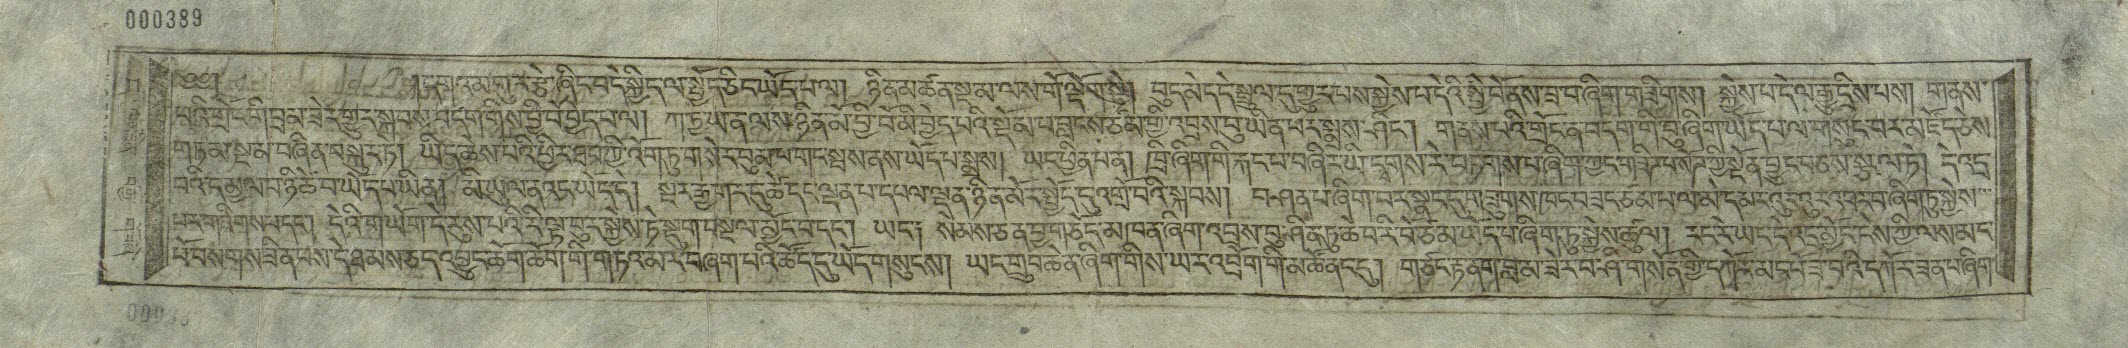༄༅། །དགའ་མགུར་རྩེ་ཞིང་བདེ་སྐྱིད་ལ་སྤྱོད་ཅིང་ཡོད་པ་ལ། ཉིན་མཚན་སྔ་མ་ལས་གོ་ལྡོག་སྟེ། བུད་མེད་དེ་སྦྲུལ་དུ་གྱུར་པས་སྐྱེས་པ་དེའི་སྤྱི་བོ་ནས་ཟ་བ་ཞིག་གཟིགས། སྐྱེས་པ་དེ་ལ་རྒྱུ་དྲིས་པས། གནས་
པའི་གྲོང་གི་བྲམ་ཟེར་གྱུར་སྐབས་བདག་གིས་བྱི་བོ་བྱེད་པ་ལ། ཀ་ཏྱ་ཡ་ན་ལས་ཉིན་མོ་བྱི་བོ་མི་བྱེད་པའི་སྡོམ་པ་བླངས་ཙམ་གྱི་འབྲས་བུ་ཡིན་པར་སྨྲས་ཤིང་། གནས་པའི་གྲོང་ན་བདག་གི་བུ་ཞིག་ཡོད་པ་ལ་གསུང་བར་མཛོད་ཅེས་
གཏམ་སྔ་མ་བཞིན་བསྐུར་ཏེ། ཡིད་ཆེས་པའི་ཕྱིར་ཐབ་ཀྱི་འོག་ཏུ་གསེར་བུམ་པ་གང་སྦས་ནས་ཡོད་པ་སྨྲས། ཡང་ཕྱིན་པ་ན། ཁྲི་ཞིག་གི་རྐང་པ་བཞིར་ཡི་དྭགས་རེ་བཏགས་པ་ཞིག་ཀྱང་གཟིགས་པ་སོགས་ཀྱི་སྔོན་བྱུང་བཅས་སྩལ་ཏེ། དེ་འདྲ་
བའི་དམྱལ་བ་ཉི་ཚེ་བ་ཡོད་པ་ཡིན། མི་ཡུལ་ནའང་ཡོད་དེ། སྔར་རྒྱ་གར་དུ་ཚེ་དང་ལྡན་པ་དཔལ་ལྡན་ཉིན་མོར་སྤྱོད་དུ་འགྲོ་བའི་སྐབས། བཤན་པ་ཞིག་བར་སྣང་དུ་གཟུགས་ཁང་བཟང་ཙམ་པ་ལ་མེ་དམར་འུར་འུར་འབར་བ་ཞིག་ཏུ་སྐྱེས་
པར་གཟིགས་པ་དང་། དེའི་གཡོག་དེ་རུས་པའི་རི་ལྟ་བུར་སྐྱེས་ཏེ་སྡུག་བསྔལ་མྱོང་བ་དང་། ཡང༑ སེམས་ཅན་བྱ་གཅོད་མཁན་ཞིག་འབྲས་བུ་ཤིན་ཏུ་ཆེ་བ་རི་བོ་ཙམ་ཡོད་པ་ཞིག་ཏུ་སྐྱེས་ཚུལ། རང་རེ་ཡང་དེ་འདྲ་མྱོང་ངེས་ཀྱི་ལས་མང་
པོ་བསགས་ཟིན་པས་དེ་ཐམས་ཅད་འབྱུང་ཆོག་ཆོག་གི་གཏའ་མར་བཞག་པའི་ཚོད་དུ་ཡོད་གསུངས། ཡང་གྲུབ་ཆེན་ཞིག་གིས་ཡར་འབྲོག་གི་མཚོ་ནང་དུ། གཙང་རྩ་ནག་བླ་མ་ཟེར་བ་ཤི་གསོན་གྱི་དཀོར་མང་པོ་ཟ་བའི་དཀོར་ཟན་པ་ཞིག་